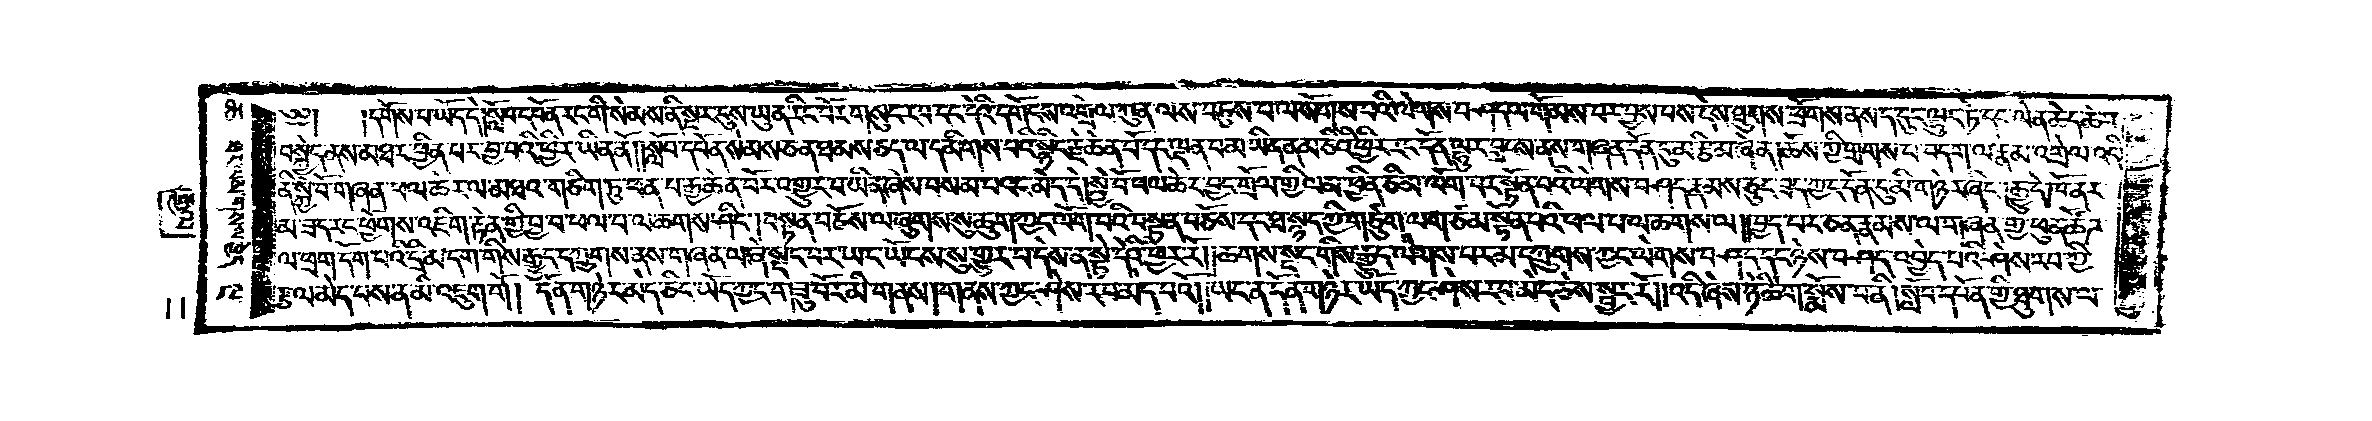༄༅། །དགོས་པ་ཡོད་དེ། སློབ་དཔོན་རང་གི་སེམས་ནི་སྔར་དུས་ཡུན་རིང་པོར་གསུང་རབ་དང་དེའི་དགོངས་འགྲེལ་ཀུན་ལས་བཏུས་པ་ལ་སོགས་པའི་ལེགས་བཤད་ལ་གོམས་པར་བྱས་པས་ངེས་ཐུགས་ཕྲོགས་ནས་ད་དུང་ལྷུང་ཏེ་དང་ལེན་ཆེད་ཆེར་
བསྐྱེད་ནས་མཐར་ཕྱིན་པར་བྱ་བའི་ཕྱིར་ཡིན་ནོ། །སློབ་དཔོན་སེམས་ཅན་ཐམས་ཅད་ལ་དམིགས་པའི་སྙིང་རྗེ་ཆེན་པོ་དང་ལྡན་པ་མ་ཡིན་ནམ་ཅིའི་ཕྱིར་རང་དོན་ལྷུར་བླངས་ནས་གཞན་དོན་དུ་མི་རྩེམ་ཞེ་ན། ཆོས་ཀྱི་གྲགས་པ་བདག་ལ་རྣམ་འགྲེལ་འདི་
ནི་སྐྱེ་བོ་གཞན་ཕལ་ཆེར་ལ་མཐའ་གཅིག་ཏུ་ཕན་པ་རྒྱ་ཆེན་པོར་འགྱུར་བ་ཡིན་ཞེས་བསམ་པའང་མེད་དེ། སྐྱེ་བོ་ཕལ་ཆེར་བྱང་གྲོལ་གྱི་ལམ་ཕྱིན་ཅི་མ་ལོག་པར་སྟོན་པའི་ལེགས་བཤད་རྣམས་ཅུང་ཟད་ཀྱང་དོན་དུ་མི་གཉེར་ཞིང་། རྒྱུ་དེ་ཁོ་ནར་
མ་ཟད་རང་ཕྱོགས་འཇིག་རྟེན་གྱི་བྱ་བ་ཕལ་པ་ལ་ཆགས་ཤིང་། བསྟན་བཅོས་ལ་ཞུགས་སུ་ཆུག་ཀྱང་ལོག་པའི་བསྟན་བཅོས་དང་ཐ་སྙད་ཀྱི་གཙུག་ལག་ཙམ་སྟོན་པའི་ཕལ་པ་ལ་ཆགས་ལ། ཁྱད་པར་ཅན་རྣམས་ལ་གཞན་གྱི་ཕུན་ཚོཌ་
ལ་ཕྲག་དོག་པའི་དྲི་མ་དག་གིས་རྒྱུད་དཀྲུགས་ནས་གཞན་ལ་ཞེ་སྡང་པར་ཡང་ཡོངས་སུ་གྱུར་པ་དེས་ན་སྟེ་དེའི་ཕྱིར་རོ། །ཆགས་སྡང་གིས་རྒྱུད་ལེགས་པར་མ་དཀྲུགས་ཀྱང་ལེགས་བཤད་དང་ཉེས་བཤད་འབྱེད་པའི་ཤེས་རབ་ཀྱི་
རྩལ་མེད་པས་ན་མི་འཇུག་གོ། དོན་གཉེར་མེད་ཅིང་ཡོད་ཀྱང་གཟུ་བོར་མི་གནས། གནས་ཀྱང་ཤེས་རབ་མེད་པའོ། །ཡང་ན་དོན་གཉེར་ཡོད་ཀྱང་ཤེས་རབ་མེད་ཅེས་སྦྱར་རོ། །འདི་ཞེས་ཉེ་ཚིག་སྨོས་པ་ནི། སློབ་དཔོན་གྱི་ཐུགས་ལ་